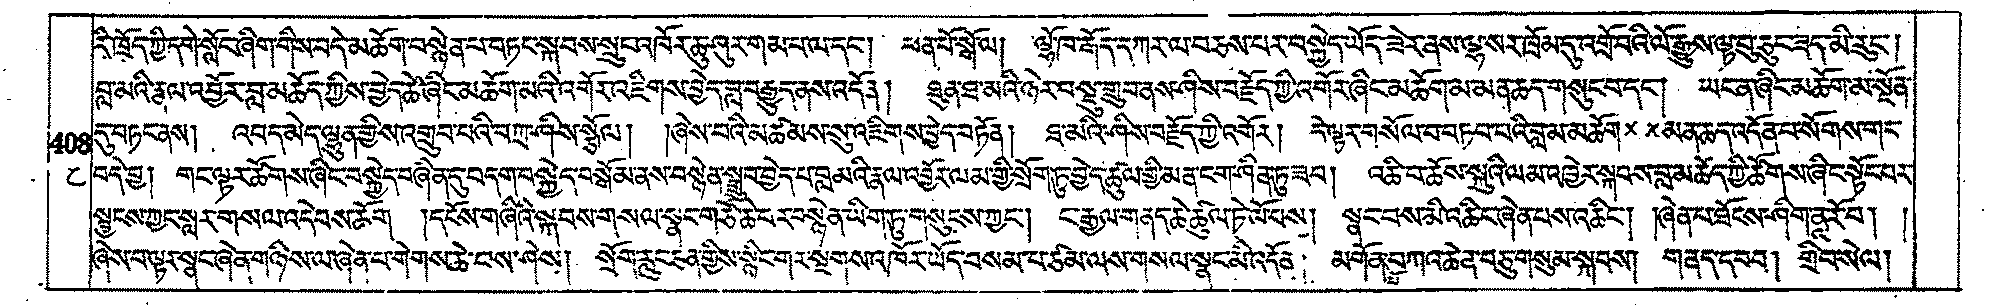རི་ཁྲོད་ཀྱི་དགེ་སློང་ཞིག་གིས་བདེ་མཆོག་བསྙེན་པ་བཏང་སྐབས་སྲུང་འཁོར་ཆུ་ཤུར་གམ་པ་ལ་དང་། ཕན་པོ་སྒོ་ལ། ལྷོ་ཁ་རྒོད་དཀར་ལ་བཅས་པར་བསྐྱེད་ཡོད་ཟེར་ནས་ལྷ་སར་ཁྲོམ་དུ་འགྲོ་བའི་ལོ་རྒྱུས་ལྟ་བུ་ཅུང་ཟད་མི་རུང་།
བླ་མའི་རྣལ་འབྱོར་བླ་མཆོད་ཀྱིས་བྱེད་ཚེ་ཞིང་མཆོག་མའི་འགོར་འཇིགས་བྱེད་བླ་བརྒྱུད་ནས་འདོན། ཐུན་ཐ་མའི་ཉེར་བསྡུ་གྲུབ་ནས་ཤིས་བརྗོད་ཀྱི་འགོར་ཞིང་མཆོག་མ་མན་ཆད་གསུང་བ་དང་། ཡང་ན་ཞིང་མཆོག་མ་སྔོན་
དུ་བཏང་ནས། འབད་མེད་ལྷུན་གྱིས་འགྲུབ་པའི་བཀྲ་ཤིས་སྩོལ། །ཞེས་པའི་མཚམས་སུ་འཇིགས་བྱེད་བཏོན། ཐ་མའི་ཤིས་བརྗོད་ཀྱི་འགྲོ། དེ་ལྟར་གསོལ་བ་བཏབ་པའི་བླ་མ་མཆོག་྾་྾་མན་ཆད་འདོན་པ་སོགས་གང་
བདེ་བྱ། གང་ལྟར་ཚོགས་ཞིང་བསྐྱེད་བཞིན་དུ་བདག་བསྐྱེད་བསྒོམ་ནས་བསྙེན་སྒྲུབ་བྱེད་པ་བླ་མའི་རྣལ་འབྱོར་ལམ་གྱི་སྲོག་ཏུ་བྱེད་ཚུལ་གྱི་མན་ངག་ཤིན་ཏུ་ཟབ། འཆི་བ་ཆོས་སྐུའི་ལམ་འཁྱེར་སྐབས་བླ་མཆོད་ཀྱི་ཚོགས་ཞིང་སྟོང་པར་
སྦྱངས་ཀྱང་སླར་གསལ་འདེབས་ཆོག །དངོས་གཞིའི་སྐབས་གསལ་སྣང་གཙོ་ཆེ་བར་བསྙེན་ཡིག་ཏུ་གསུངས་ཀྱང་། ང་རྒྱལ་གནད་ཆེ་ཚུལ་ཏེ་ལོ་པས། སྣང་བས་མི་འཆིང་ཞེན་པས་འཆིང་། །ཞེན་པ་ཐོངས་ཤིག་ནཱ་རོ་པ། །
ཞེས་པ་ལྟར་སྣང་ཞེན་གཉིས་ལ་ཞེན་པ་གེགས་ཆེ་བས་ཤེས། སྲོག་རླུང་ཅན་གྱིས་སྙིང་གར་སྔགས་འཁོར་ཡོད་བསམ་པ་ཙམ་ལས་གསལ་སྣང་མི་འདོན། མགོན་པ་བཀའ་ཆེན་བཅུ་གསུམ་སྐབས། གནད་དབབ། གྲིབ་སེལ།